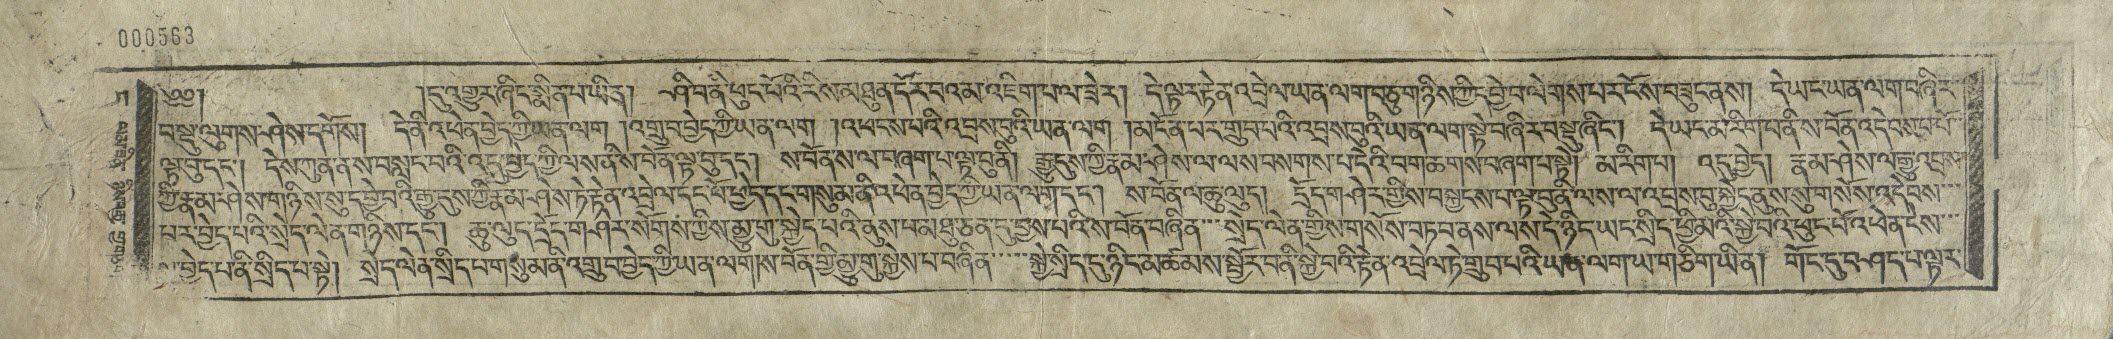༄༅། །དུ་འགྱུར་ཞིང་སྨིན་པ་ཡིན། ཤི་བ་ནི་ཕུང་པོའི་རིས་མཐུན་དོར་བའམ་འཇིག་པ་ལ་ཟེར། དེ་ལྟར་རྟེན་འབྲེལ་ཡན་ལག་བཅུ་གཉིས་ཀྱི་དབྱེ་བ་ལེགས་པར་ངོས་བཟུང་ནས། དེ་ཡང་ཡན་ལག་བཞིར་
བསྡུ་ལུགས་ཤེས་དགོས། དེ་ནི་འཕེན་བྱེད་ཀྱི་ཡན་ལག །འགྲུབ་བྱེད་ཀྱི་ཡན་ལག །འཕངས་པའི་འབྲས་བུའི་ཡན་ལག །མངོན་པར་གྲུབ་པའི་འབྲས་བུའི་ཡན་ལག་སྟེ་བཞིར་བསྡུ་ཞིང་། དེ་ཡང་མ་རིག་པ་ནི་ས་བོན་འདེབས་པ་པོ་
ལྟ་བུ་དང་། དེས་ཀུན་ནས་བསླང་བའི་འདུ་བྱེད་ཀྱི་ལས་ནི་ས་བོན་ལྟ་བུ་དང་། ས་བོན་ས་ལ་བཞག་པ་ལྟ་བུ་ནི། རྒྱུ་དུས་ཀྱི་རྣམ་ཤེས་ལ་ལས་བསགས་པ་དེའི་བག་ཆགས་བཞག་པ་སྟེ། མ་རིག་པ། འདུ་བྱེད། རྣམ་ཤེས་ལ་རྒྱུ་འབྲས་
ཀྱི་རྣམ་ཤེས་གཉིས་སུ་དབྱེ་བའི་རྒྱུ་དུས་ཀྱི་རྣམ་ཤེས་ཏེ་རྟེན་འབྲེལ་དང་པོ་ཕྱེད་དང་གསུམ་ནི་འཕེན་བྱེད་ཀྱི་ཡན་ལག་དང་། ས་བོན་ལ་ཆུ་ལུད། དྲོད་གཤེར་གྱིས་བསྐྱངས་པ་ལྟ་བུ་ནི་ལས་ལ་འབྲས་བུ་སྐྱེད་ནུས་སུ་གསོས་འདེབས་
པར་བྱེད་པའི་སྲེད་ལེན་གཉིས་དང་། ཆུ་ལུད་དྲོད་གཤེར་སོགས་ཀྱིས་མྱུ་གུ་སྐྱེད་པའི་ནུས་པ་མཐུ་ཅན་དུ་བྱས་པའི་ས་བོན་བཞིན་སྲེད་ལེན་གྱིས་གསོས་བཏབ་ནས་ལས་དེ་ཉིད་ཡང་སྲིད་ཕྱི་མའི་སྐྱེ་བའི་ཕུང་པོ་འཕེན་ངེས་
སུ་བྱེད་པ་ནི་སྲིད་པ་སྟེ། སྲེད་ལེན་སྲིད་པ་གསུམ་ནི་འགྲུབ་བྱེད་ཀྱི་ཡན་ལག །ས་བོན་གྱི་མྱུ་གུ་སྐྱེས་པ་བཞིན་སྐྱེ་སྲིད་དུ་ཉིད་མཚམས་སྦྱོར་བ་ནི་སྐྱེ་བའི་རྟེན་འབྲེལ་ཏེ་གྲུབ་པའི་ཡན་ལག་ཡ་གཅིག་ཡིན། གོང་དུ་བཤད་པ་ལྟར་